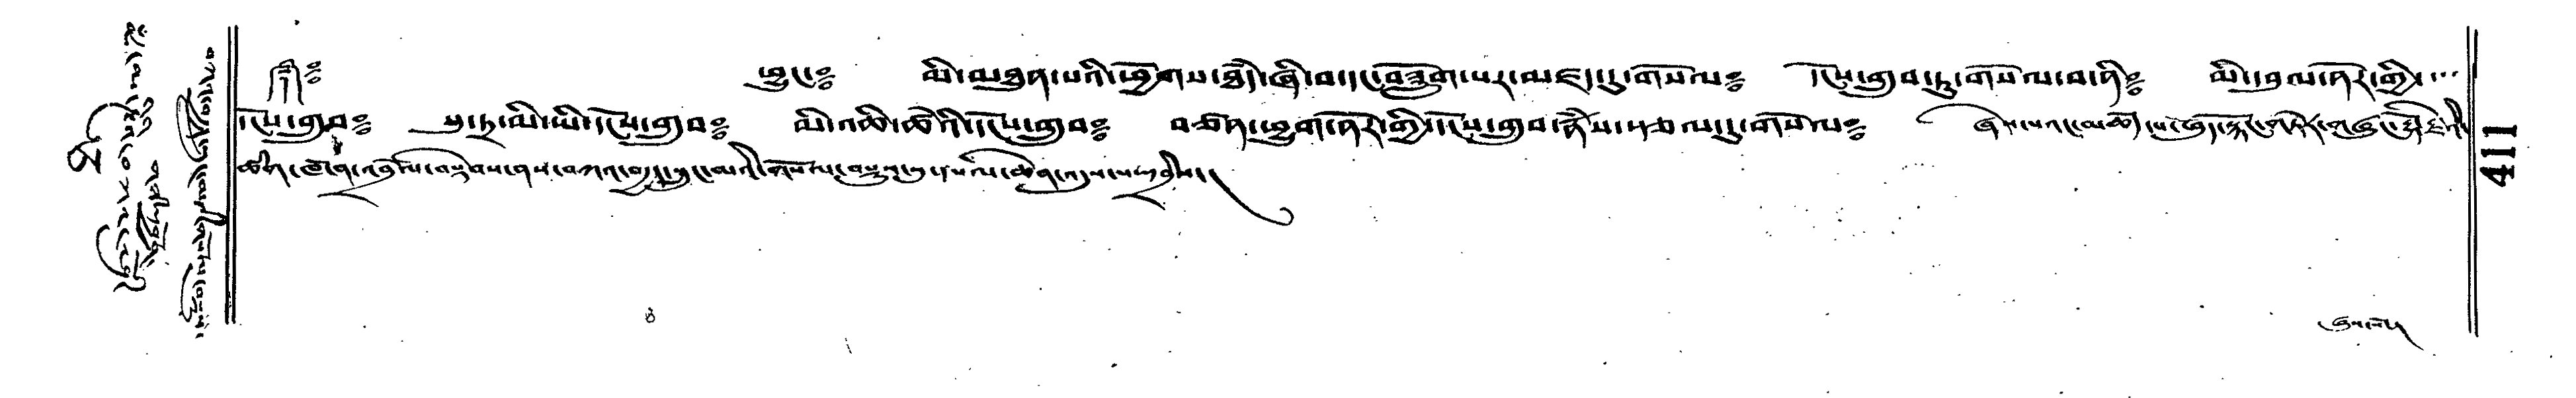ཕྱུངས༔ མི་མཐུན་པའི་ཕྱོགས་ཐམས་ཅད་ཞི་བ་དང་བཟློག་པར་མཛད་དུ་གསོལ༔ དངོས་གྲུབ་ཏུ་གསོལ་བ་ནི༔ མི་དབུལ་ནོར་གྱི་
དངོས་གྲུབ༔ པུ་ཏྲ་མི་ཡི་དངོས་གྲུབ༔ མི་འཆི་ཚེའི་དངོས་གྲུབ༔ བཙན་ཕྱུག་ནོར་གྱི་དངོས་གྲུབ་རྣམས་བསྩལ་དུ་གསོལ༔ ཞེས་པའང་མཆོད་པ་ཕུད་སྐོང་གཏེར་གཞུང་རྡོ་རྗེའི་
ཚིག་ཁོ་ན་འབྲེལ་བསྡེབས་ནས་བཀའ་བརྒྱད་སྲུང་མའི་གསོལ་བསྡུས་སུ་དཔལ་ཆེན་འདུས་པས་བྲིས།། ཞུས་སོ།།